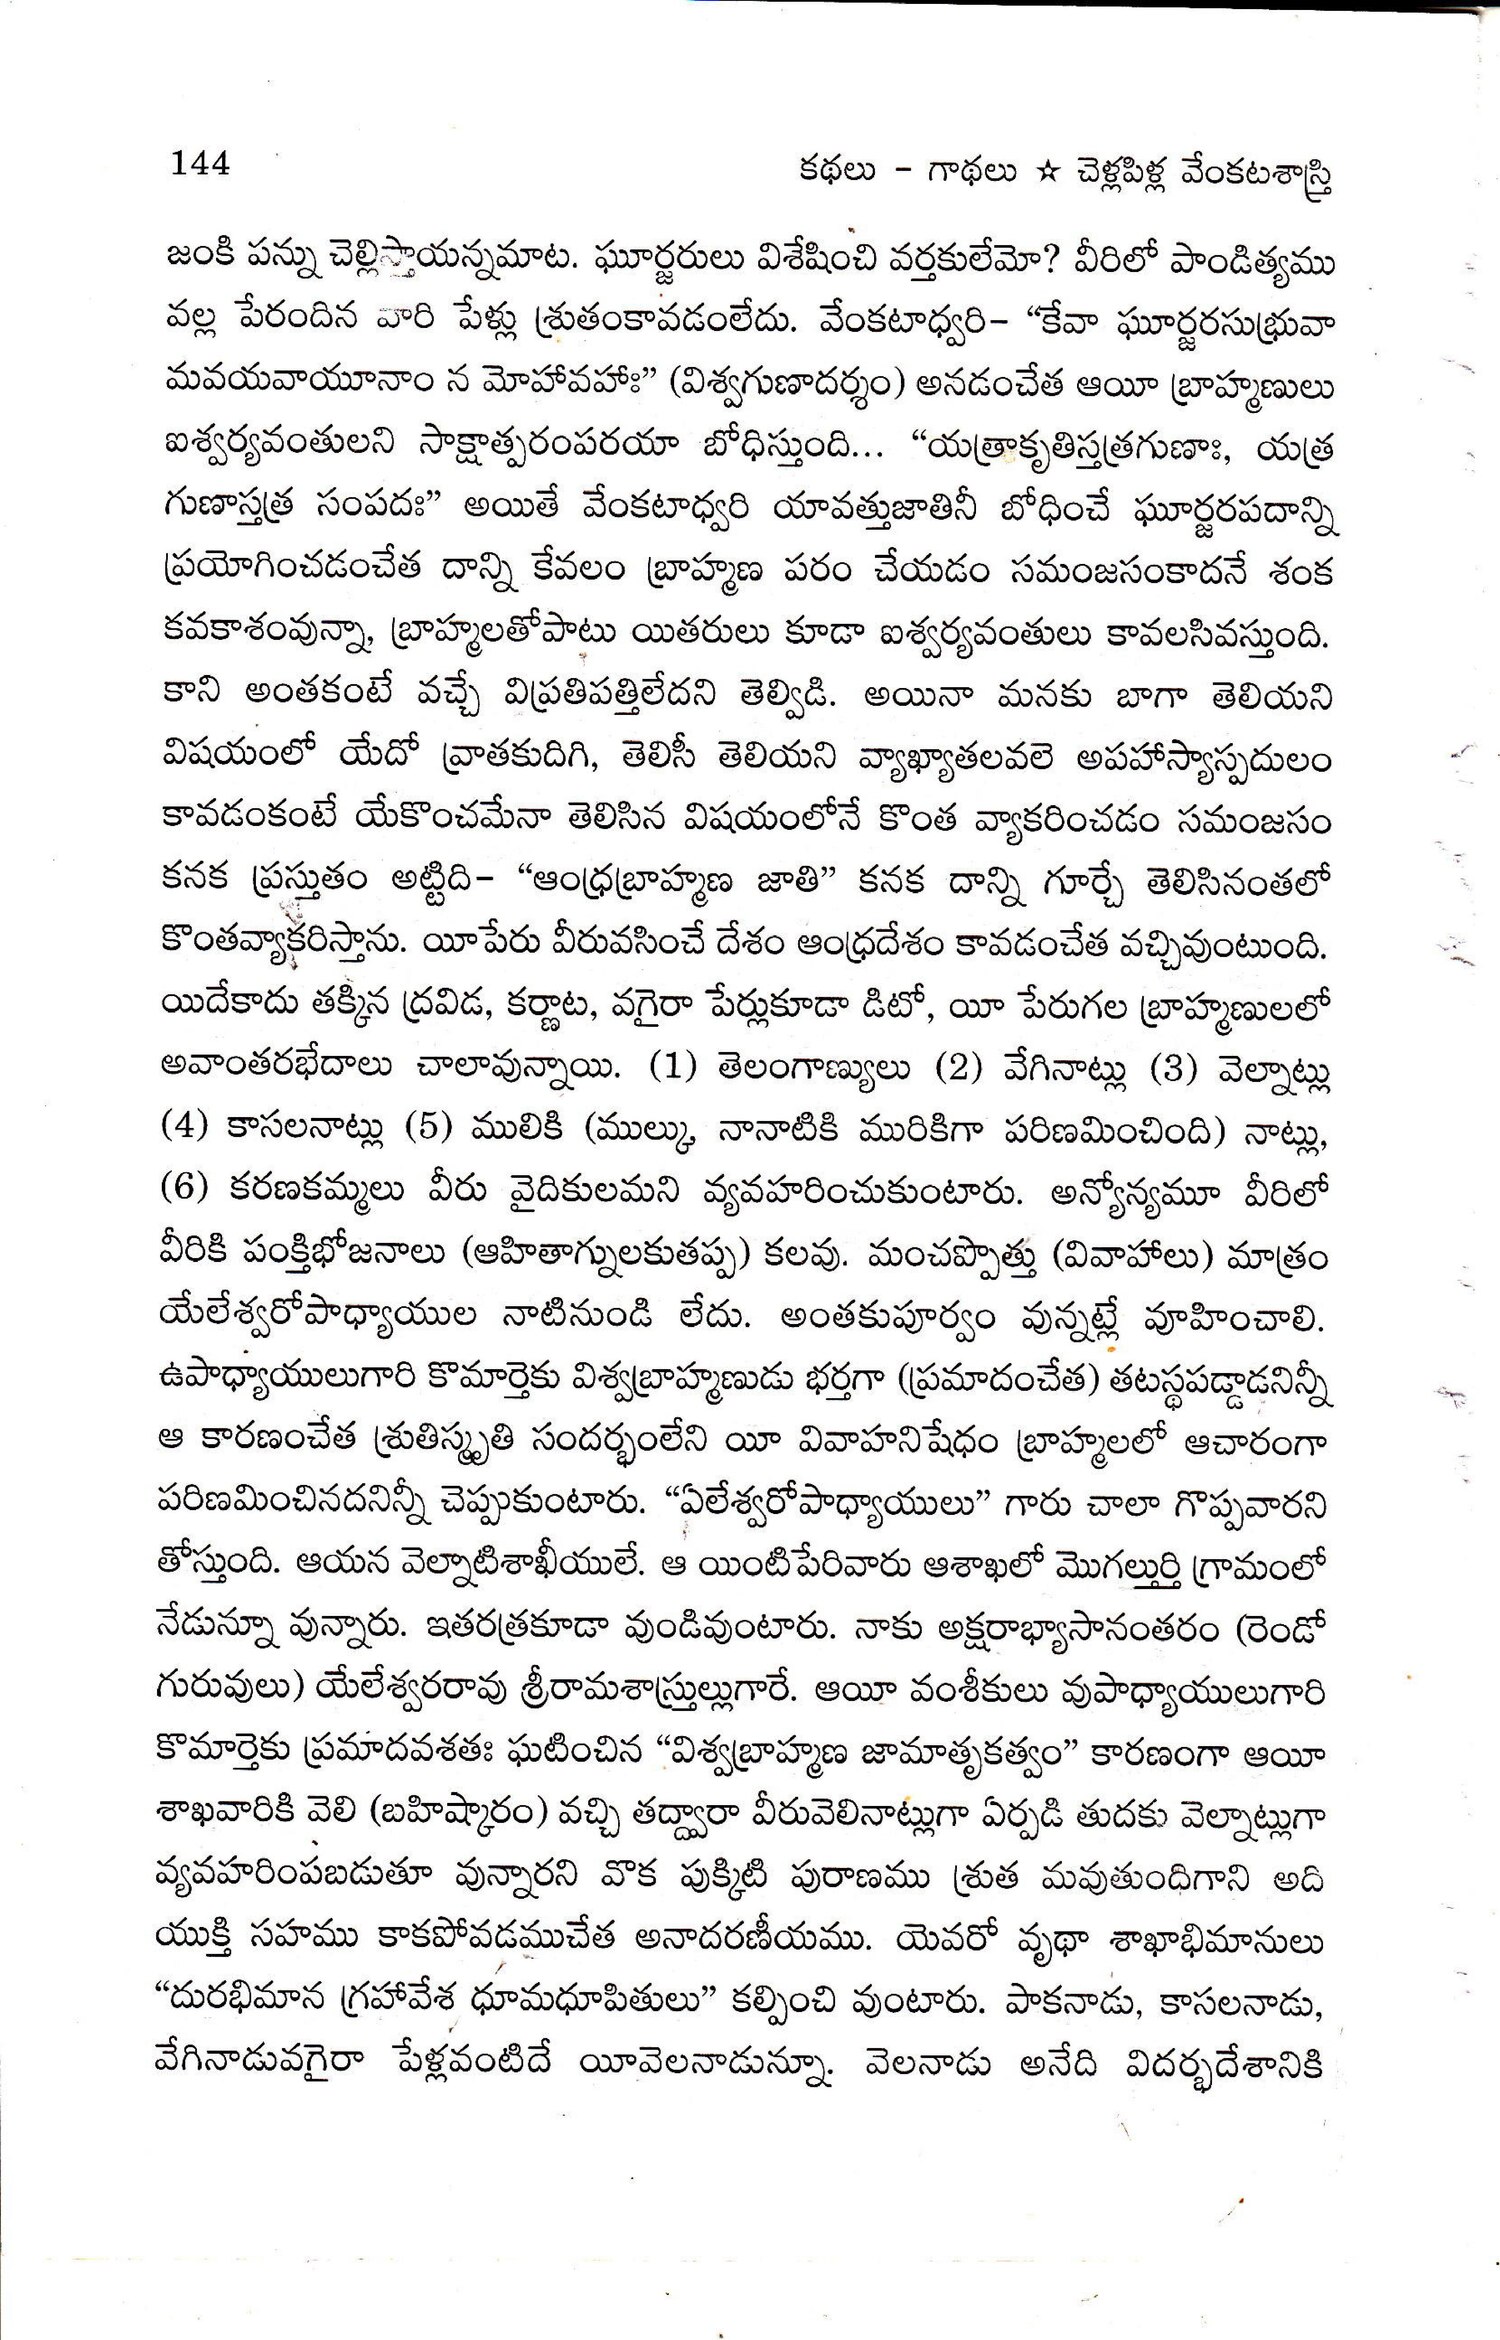జంకి పన్నుచెల్లిస్తాయన్నమాట. ఘూర్జరులు విశేషించి వర్తకులేమో? వీరిలో పాండిత్యము వల్ల పేరందిన వారి పేళ్లు శ్రుతంకావడంలేదు. వేంకటాధ్వరి– “కేవా ఘూర్జరసుభ్రువా మవయవాయూనాం న మోహావహాః" (విశ్వగుణాదర్శం) అనడంచేత ఆయీ బ్రాహ్మణులు ఐశ్వర్యవంతులని సాక్షాత్పరంపరయా బోధిస్తుంది. "యత్రాకృతిస్తత్రగుణాః, యత్ర గుణాస్తత్ర సంపదః" అయితే వేంకటాధ్వరి యావత్తుజాతినీ బోధించే ఘూర్ణరపదాన్ని ప్రయోగించడంచేత దాన్ని కేవలం బ్రాహ్మణ పరం చేయడం సమంజసంకాదనే శంక కవకాశంవున్నా బ్రాహ్మలతోపాటు యితరులు కూడా ఐశ్వర్యవంతులు కావలసివస్తుంది. కాని అంతకంటే వచ్చే విప్రతిపత్తిలేదని తెల్విడి. అయినా మనకు బాగా తెలియని విషయంలో యేదో వ్రాతకుదిగి, తెలిసీ తెలియని వ్యాఖ్యాతలవలె అపహాస్యాస్పదులం కావడంకంటే యేకొంచమేనా తెలిసిన విషయంలోనే కొంత వ్యాకరించడం సమంజసం కనక ప్రస్తుతం అట్టిది- "ఆంధ్రభ్రాహ్మణ జాతి" కనక దాన్ని గూర్చే తెలిసినంతలో కొంతవ్యాకరిస్తాను. యీ పేరు వీరువసించే దేశం ఆంధ్రదేశం కావడంచేత వచ్చివుంటుంది. యిదేకాదు తక్కిన ద్రవిడ, కర్ణాట, వగైరా పేర్లుకూడా డిటో, యీ పేరుగల బ్రాహ్మణులలో అవాంతరభేదాలు చాలావున్నాయి. (1) తెలంగాణ్యులు (2) వేగినాట్లు (3) వెల్నాట్లు (4) కాసలనాట్లు (5) ములికి (ముల్కు నానాటికి మురికిగా పరిణమించింది) నాట్లు, (6) కరణకమ్మలు వీరు వైదికులమని వ్యవహరించుకుంటారు. అన్యోన్యమూ వీరిలో వీరికి పంక్తిభోజనాలు (ఆహితాగ్నులకుతప్ప) కలవు. మంచప్పొత్తు (వివాహాలు) మాత్రం యేలేశ్వరోపాధ్యాయుల నాటినుండి లేదు. అంతకుపూర్వం వున్నట్లే వూహించాలి. ఉపాధ్యాయులుగారి కొమార్తెకు విశ్వబ్రాహ్మణుడు భర్తగా (ప్రమాదంచేత) తటస్థపడ్డాడనిన్నీ ఆ కారణంచేత శ్రుతిస్మృతి సందర్భంలేని యీ వివాహనిషేధం బ్రాహ్మలలో ఆచారంగా పరిణమించినదనిన్నీ చెప్పుకుంటారు. “ఏలేశ్వరోపాధ్యాయులు" గారు చాలా గొప్పవారని తోస్తుంది. ఆయన వెల్నాటిశాఖీయులే. ఆ యింటిపేరివారు ఆశాఖలో మొగల్తుర్తి గ్రామంలో నేడున్నూ వున్నారు. ఇతరత్రకూడా వుండివుంటారు. నాకు అక్షరాభ్యాసానంతరం (రెండో గురువులు) యేలేశ్వరరావు శ్రీరామశాస్త్రుల్లుగారే. ఆయీ వంశీకులు వుపాధ్యాయులుగారి కొమార్తెకు ప్రమాదవశతః ఘటించిన “విశ్వబ్రాహ్మణ జామాతృకత్వం" కారణంగా ఆయీ శాఖవారికి వెలి (బహిష్కారం) వచ్చి తద్ద్వారా వీరువెలినాట్లుగా ఏర్పడి తుదకు వెల్నాట్లుగా వ్యవహరింపబడుతూ వున్నారని వొక పుక్కిటి పురాణము శ్రుత మవుతుందిగాని అది యుక్తి సహము కాకపోవడముచేత అనాదరణీయము. యెవరో వృథా శాఖాభిమానులు "దురభిమాన గ్రహావేశ ధూమధూపితులు" కల్పించి వుంటారు. పాకనాడు, కాసలనాడు, వేగినాడువగైరా పేళ్లవంటిదే యీవెలనాడున్నూ వెలనాడు అనేది విదర్భదేశానికి